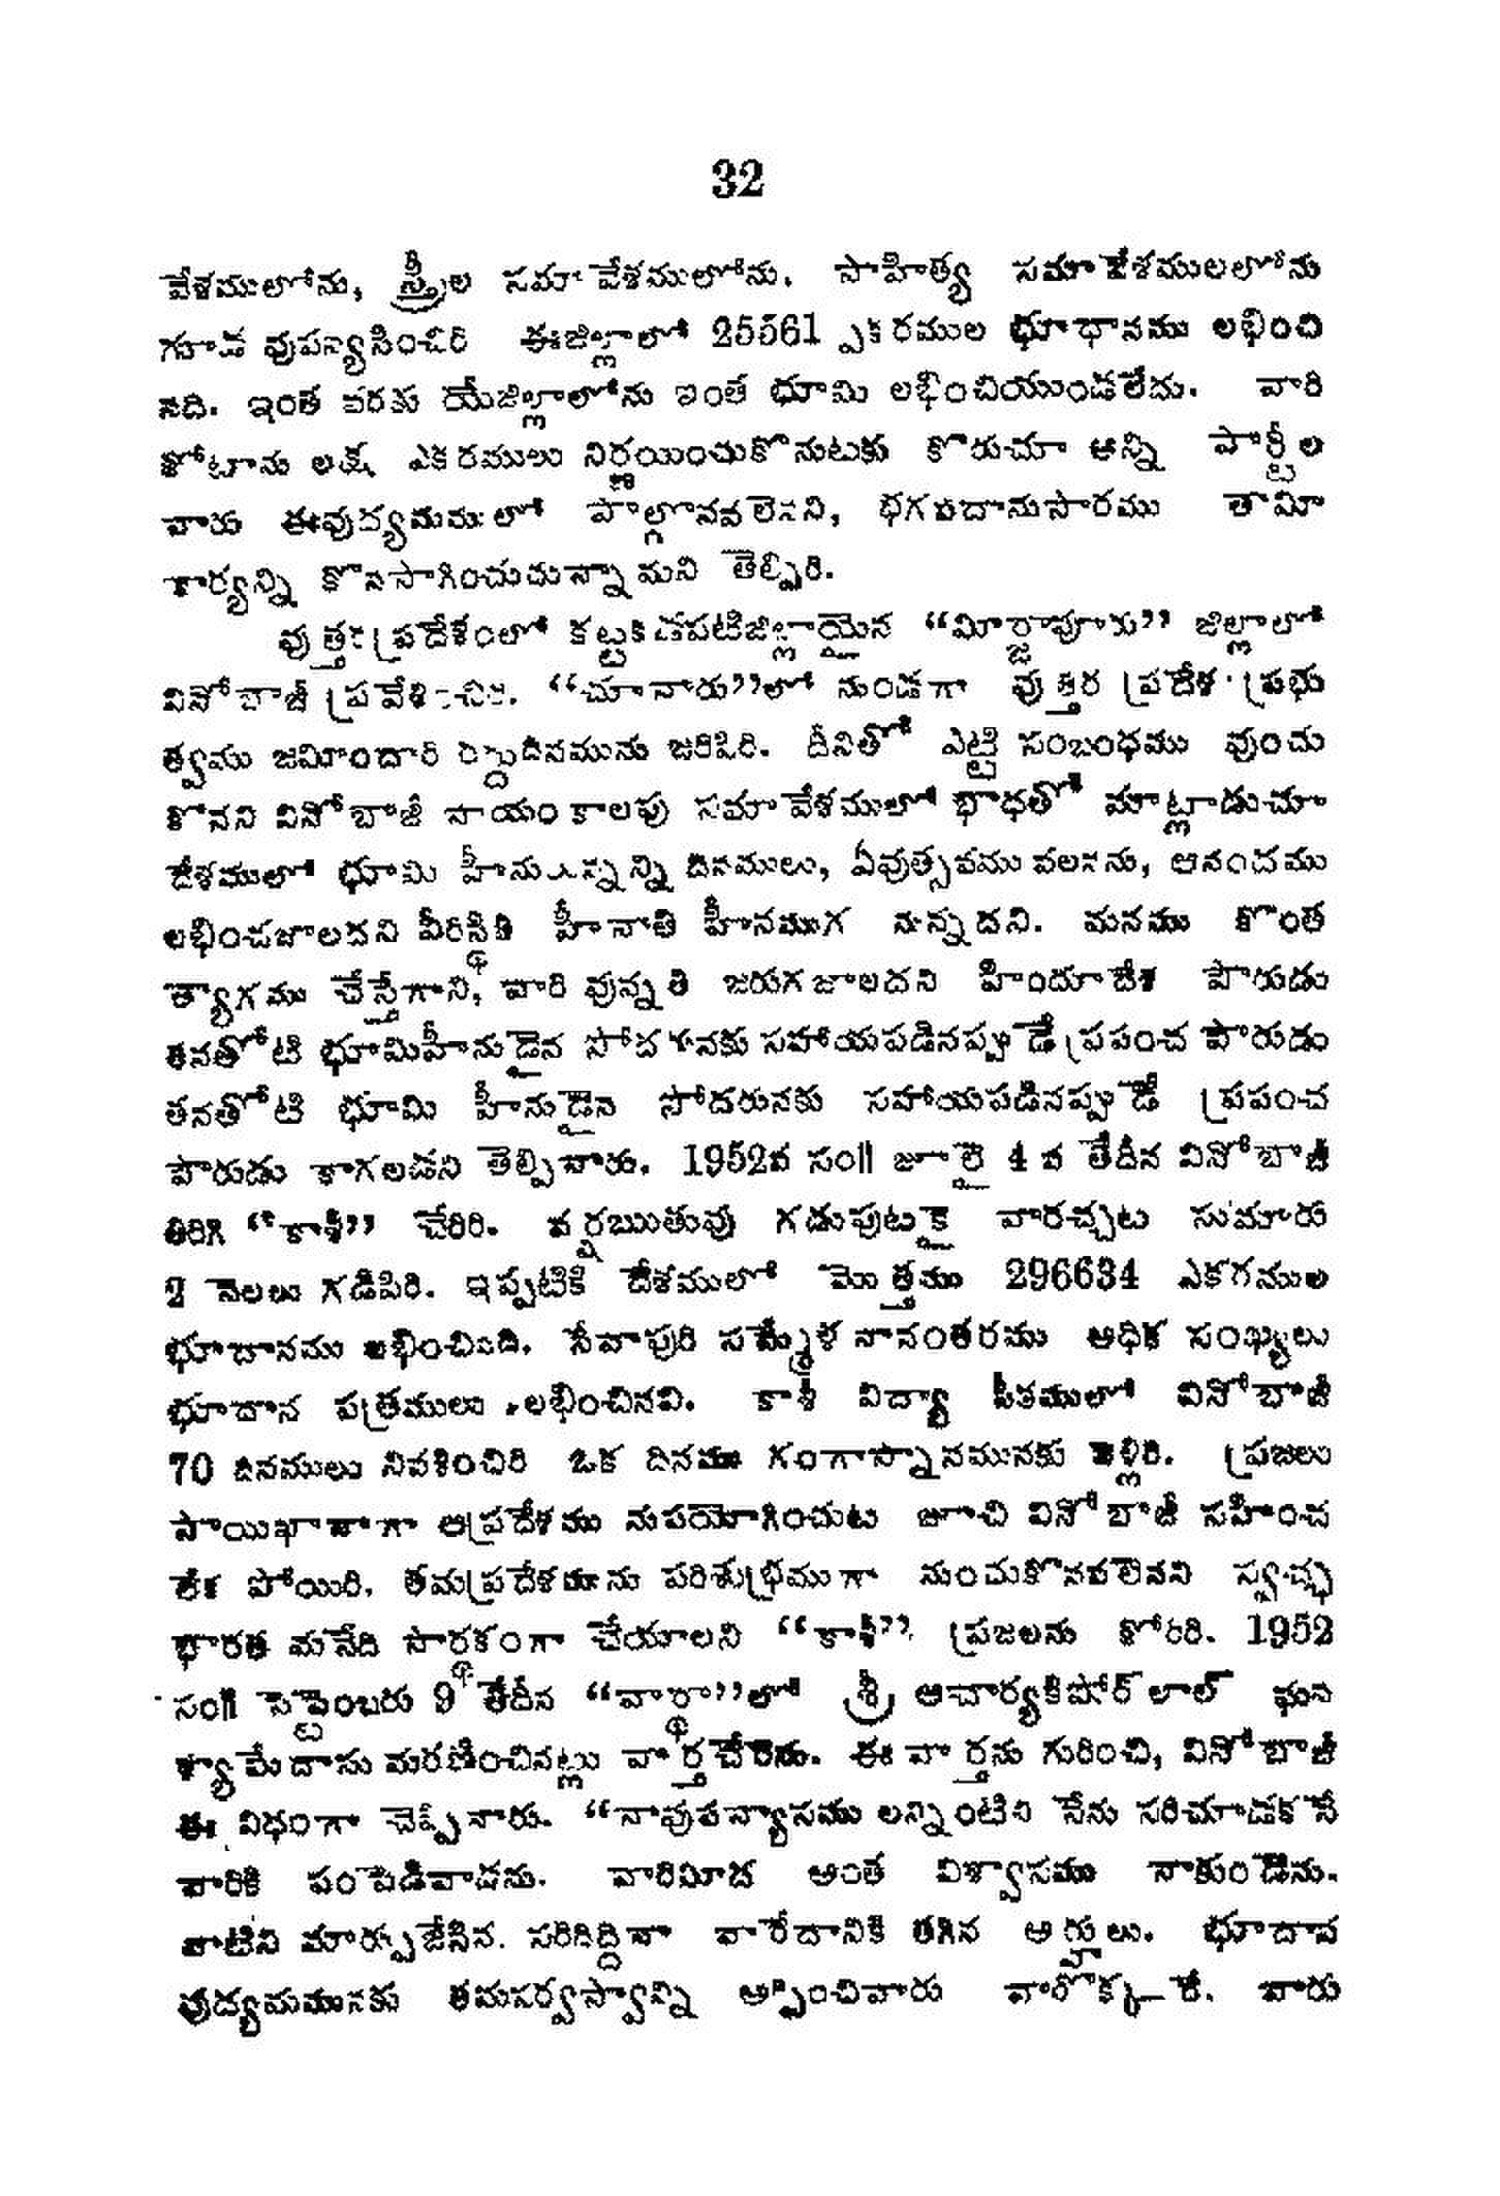వేశములోను, స్త్రీల సమావేశములోను, సాహిత్య సమావేశములలోను గూడ వుపన్యసించిరి. ఈజిల్లాలో 25561 ఎకరముల భూధానము లభించినది. ఇంత వరకు యేజిల్లాలోను ఇంత భూమి లభించియుండలేదు. వారి కోటాను లక్ష ఎకరములు నిర్ణయించుకొనుటకు కొరుచూ అన్ని పార్టీల వారు ఈవుద్యమములో పాల్గొనవలెనని, భగవదానుసారము తామీ కార్యన్ని కొనసాగించుచున్నామని తెల్పిరి.

వుత్తరప్రదేశంలో కట్టకడపటిజిల్లాయైన "మీర్జాపూరు” జిల్లాలో వినోబాజీ ప్రవేశించిరి. “చూనారు"లో నుండగా వుత్తర ప్రదేశ ప్రభుత్వము జమీందారి రద్దుదినమును జరిపిరి. దీనితో ఎట్టి సంబంధము వుంచుకొనని వినోబాజీ సాయంకాలపు సమావేశములో భాధతో మాట్లాడుచూ దేశములో భూమి హీనులున్నన్ని దినములు, ఏవుత్సవము వలనను, ఆనందము లభించజాలదని వీరిస్థితి హీనాతి హీనముగ నున్నదని. మనము కొంత త్యాగము చేస్తేగాని, వారి వున్నతి జరుగజాలదని హిందూదేశ పౌరుడు తనతోటి భూమిహీనుడైన సోదరునకు సహాయపడినప్పుడే ప్రపంచ పొరుడు తనతోటి భూమి హీనుడైన సోదరునకు సహాయపడినప్పుడే ప్రపంచ పౌరుడు కాగలడని తెల్పినారు. 1952వ సం|| జూలై 4వ తేదీన వినోబాజీ తిరిగి "కాశీ" చేరిరి. వర్షఋతువు గడుపుటకై వారచ్చట సుమారు 2 నెలలు గడిపిరి. ఇప్పటికి దేశములో మొత్తము 296634 ఎకరముల భూదానము లభించింది. సేవాపురి సమ్మేళ నానంతరము అధిక సంఖ్యలు భూదాన పత్రములు లభించినవి. కాశీ విద్యా పీఠములో వినోబాజీ 70 దినములు నివశించిరి ఒక దినము గంగాస్నానమునకు వెళ్లిరి. ప్రజలు పాయిఖానాగా ఆప్రదేశము నుపయోగించుట జూచి వినోబాజీ సహించ లేక పోయిరి. తమప్రదేశమును పరిశుభ్రముగా నుంచుకొనవలెనని స్వచ్చ భారత మనేది సార్థకంగా చేయాలని "కాశీ" ప్రజలను కోరిరి. 1952 సం|| సెప్టెంబరు 9 తేదీన "వార్థా"లో శ్రీ ఆచార్యకిషోర్ లాల్ ఘనశ్యామేదాసు మరణించినట్లు వార్తచేరెను. ఈవార్తను గురించి, వినోబాజీ ఈ విధంగా చెప్పినారు. “నావుపన్యాసము లన్నింటిని నేను సరిచూడకనే వారికి పంపెడివాడను. వారిమీద అంత విశ్వాసము నాకుండెను, వాటిని మార్పుజేసిన. సరిదిద్దినా వారేదానికి తగిన ఆర్హులు. భూదాన వుద్యమమునకు తమసర్వస్వాన్ని అర్పించినవారు వారొక్కరే. వారు